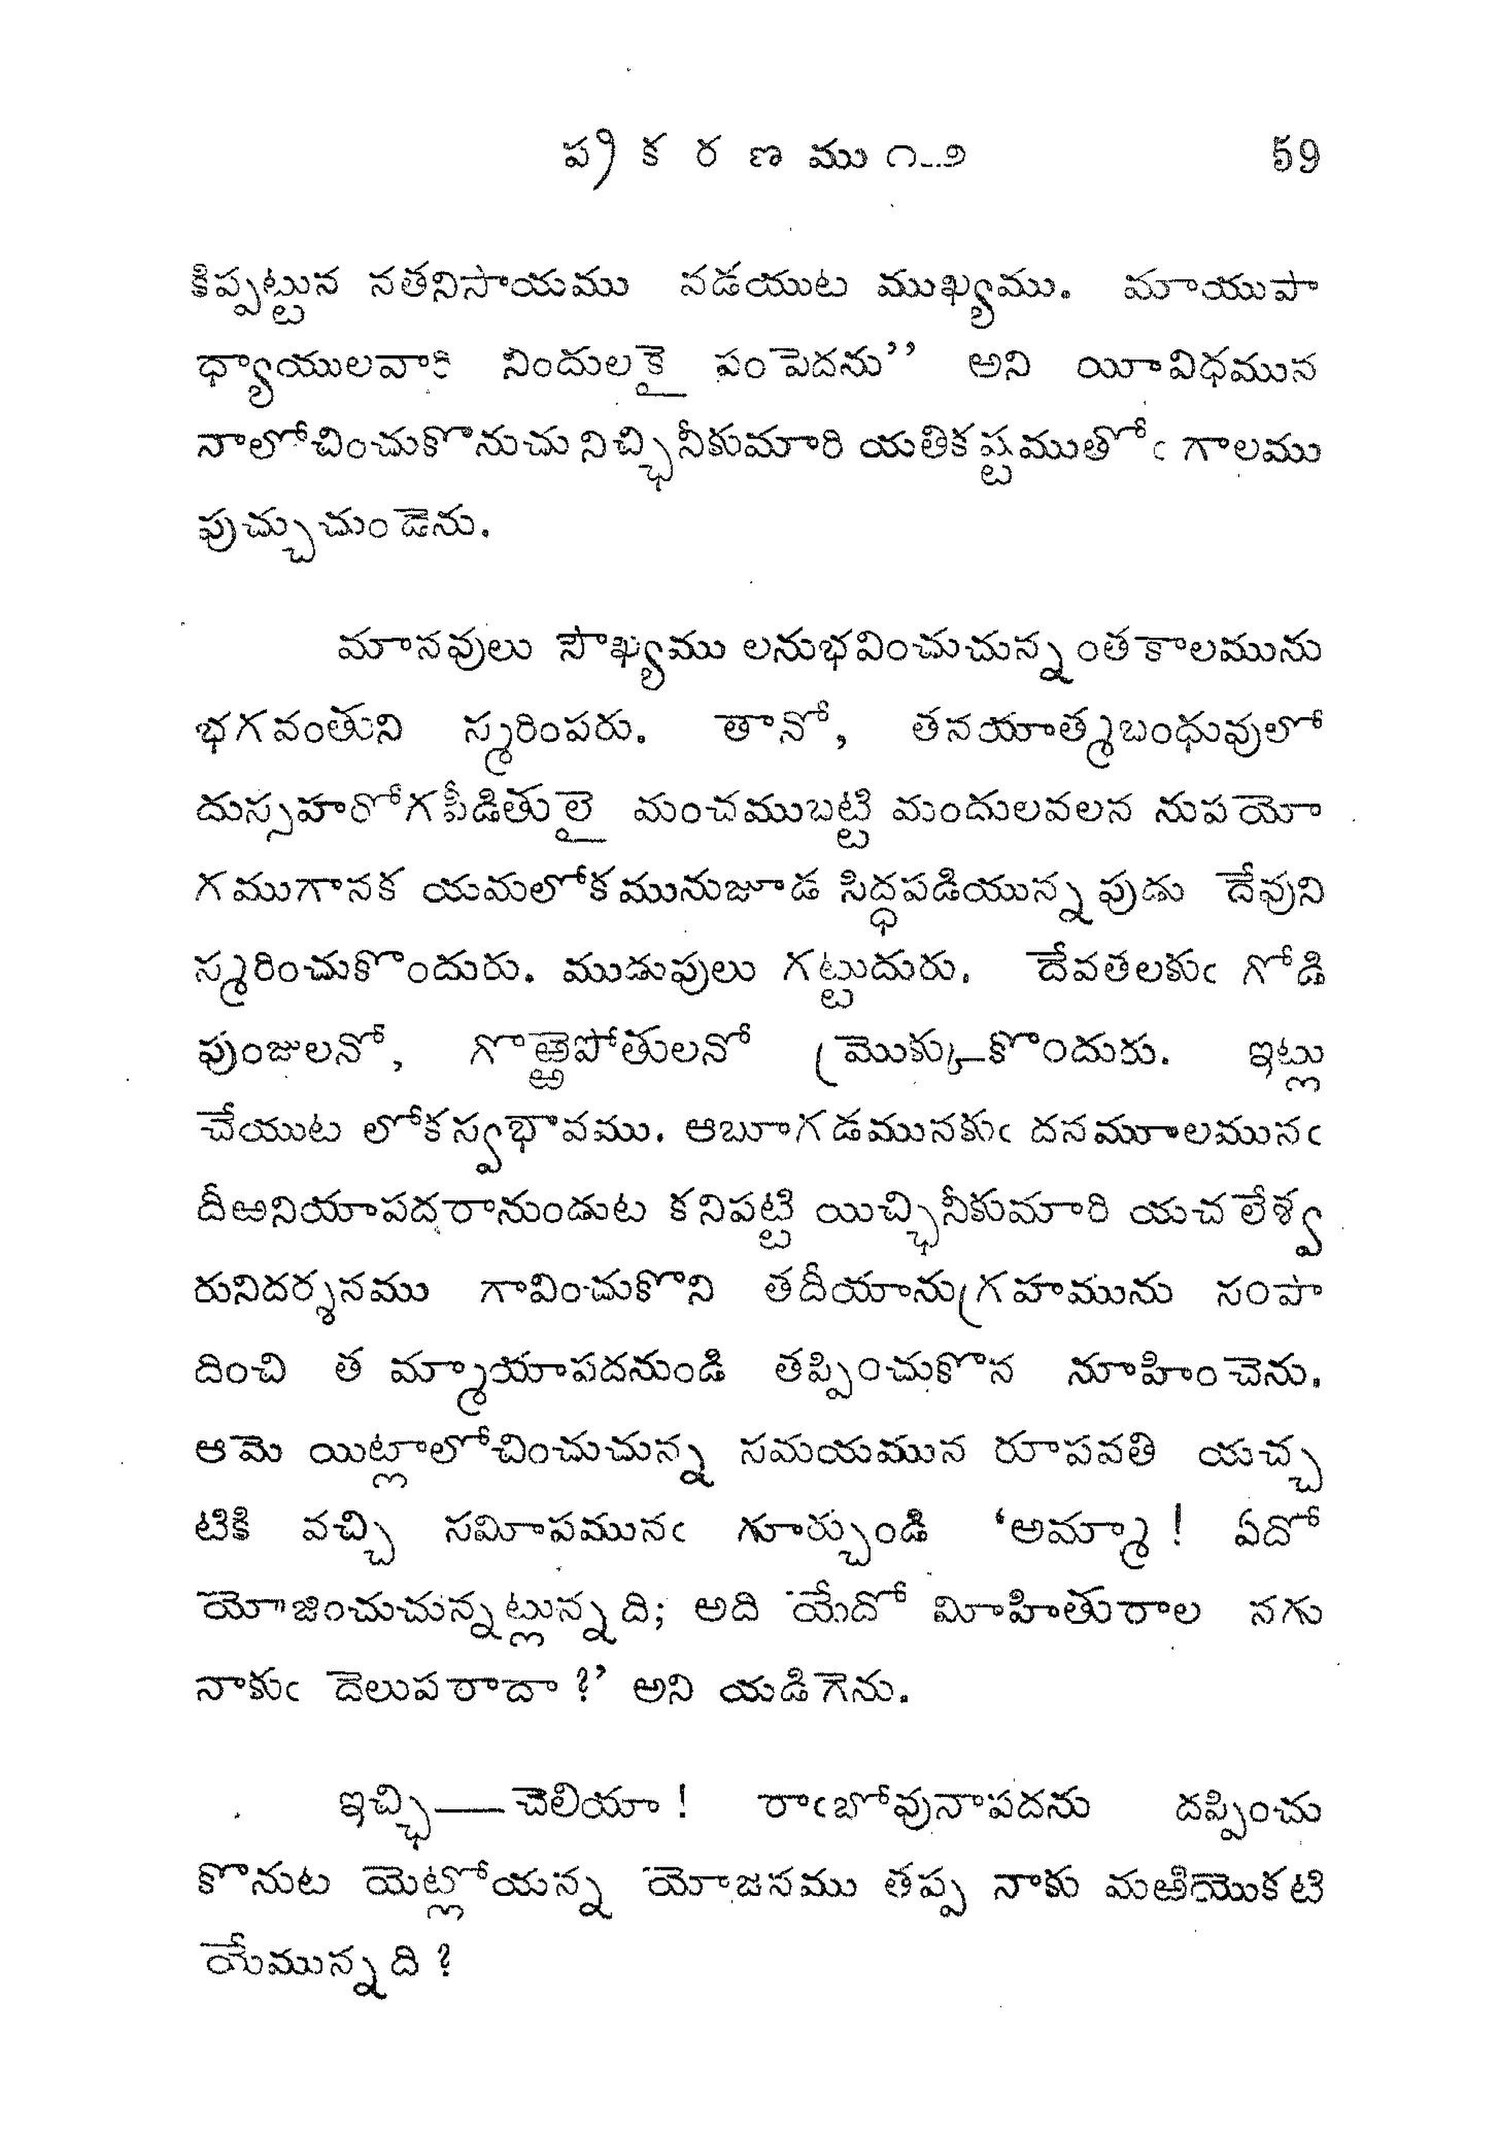కిప్పట్టున నతనిసాయము నడయుట.ముఖ్యము. మాయుపాధ్యాయులవారి నందులకై పంపెదను” అని యీవిధమున నాలోచించుకొనుచు నిచ్ఛినీకుమారి యతికష్టముతోఁ గాలముపుచ్చు చుండెను.మానవులు సౌఖ్యము లనుభవించుచున్నంత కాలమునుభగవంతుని స్మరింపరు. తానో, తనయాత్మ బంధువులోదుస్సహ రోగ పీడితులై మంచముబట్టి మందులవలన నుపయో
గముగానక యమలోకమునుజూడ సిద్ధపడియున్నపుడు దేవుని స్మరించుకొందురు. ముడుపులు గట్టుదురు. దేవతలకుఁ గోడిపుంజులనో, గొఱ్ఱపోతులనో మొక్కుకొందురు. ఇట్లు చేయుట లోక స్వభావము. ఆ బూగడమునకుఁ దనమూలమునఁ దీఱని యాపదరా నుండుట కనిపట్టి యిచ్ఛినీకుమారి యచ లేశ్వరునిదర్శనము గావించుకొని తదీయానుగ్రహమును సంపా
దించి తమ్మాయాపదనుండి తప్పించుకొన నూహించెను.ఆమె యిట్లాలోచించుచున్న సమయమున రూపవతి యచ్చటికి వచ్చి సమీపమునఁ గూర్చుండి 'అమ్మా! ఏదో యోజించుచున్నట్లున్నది; అది 'యేదో మీహితురాల నగు నాకుఁ దెలుప రాదా?' అని యడిగెను.

ఇచ్ఛి: – చెలియా ! రాఁబోవునాపదను దప్పించుకొనుట యెట్లోయన్న యోజనము తప్ప నాకు మఱియొకటియేమున్నది ?